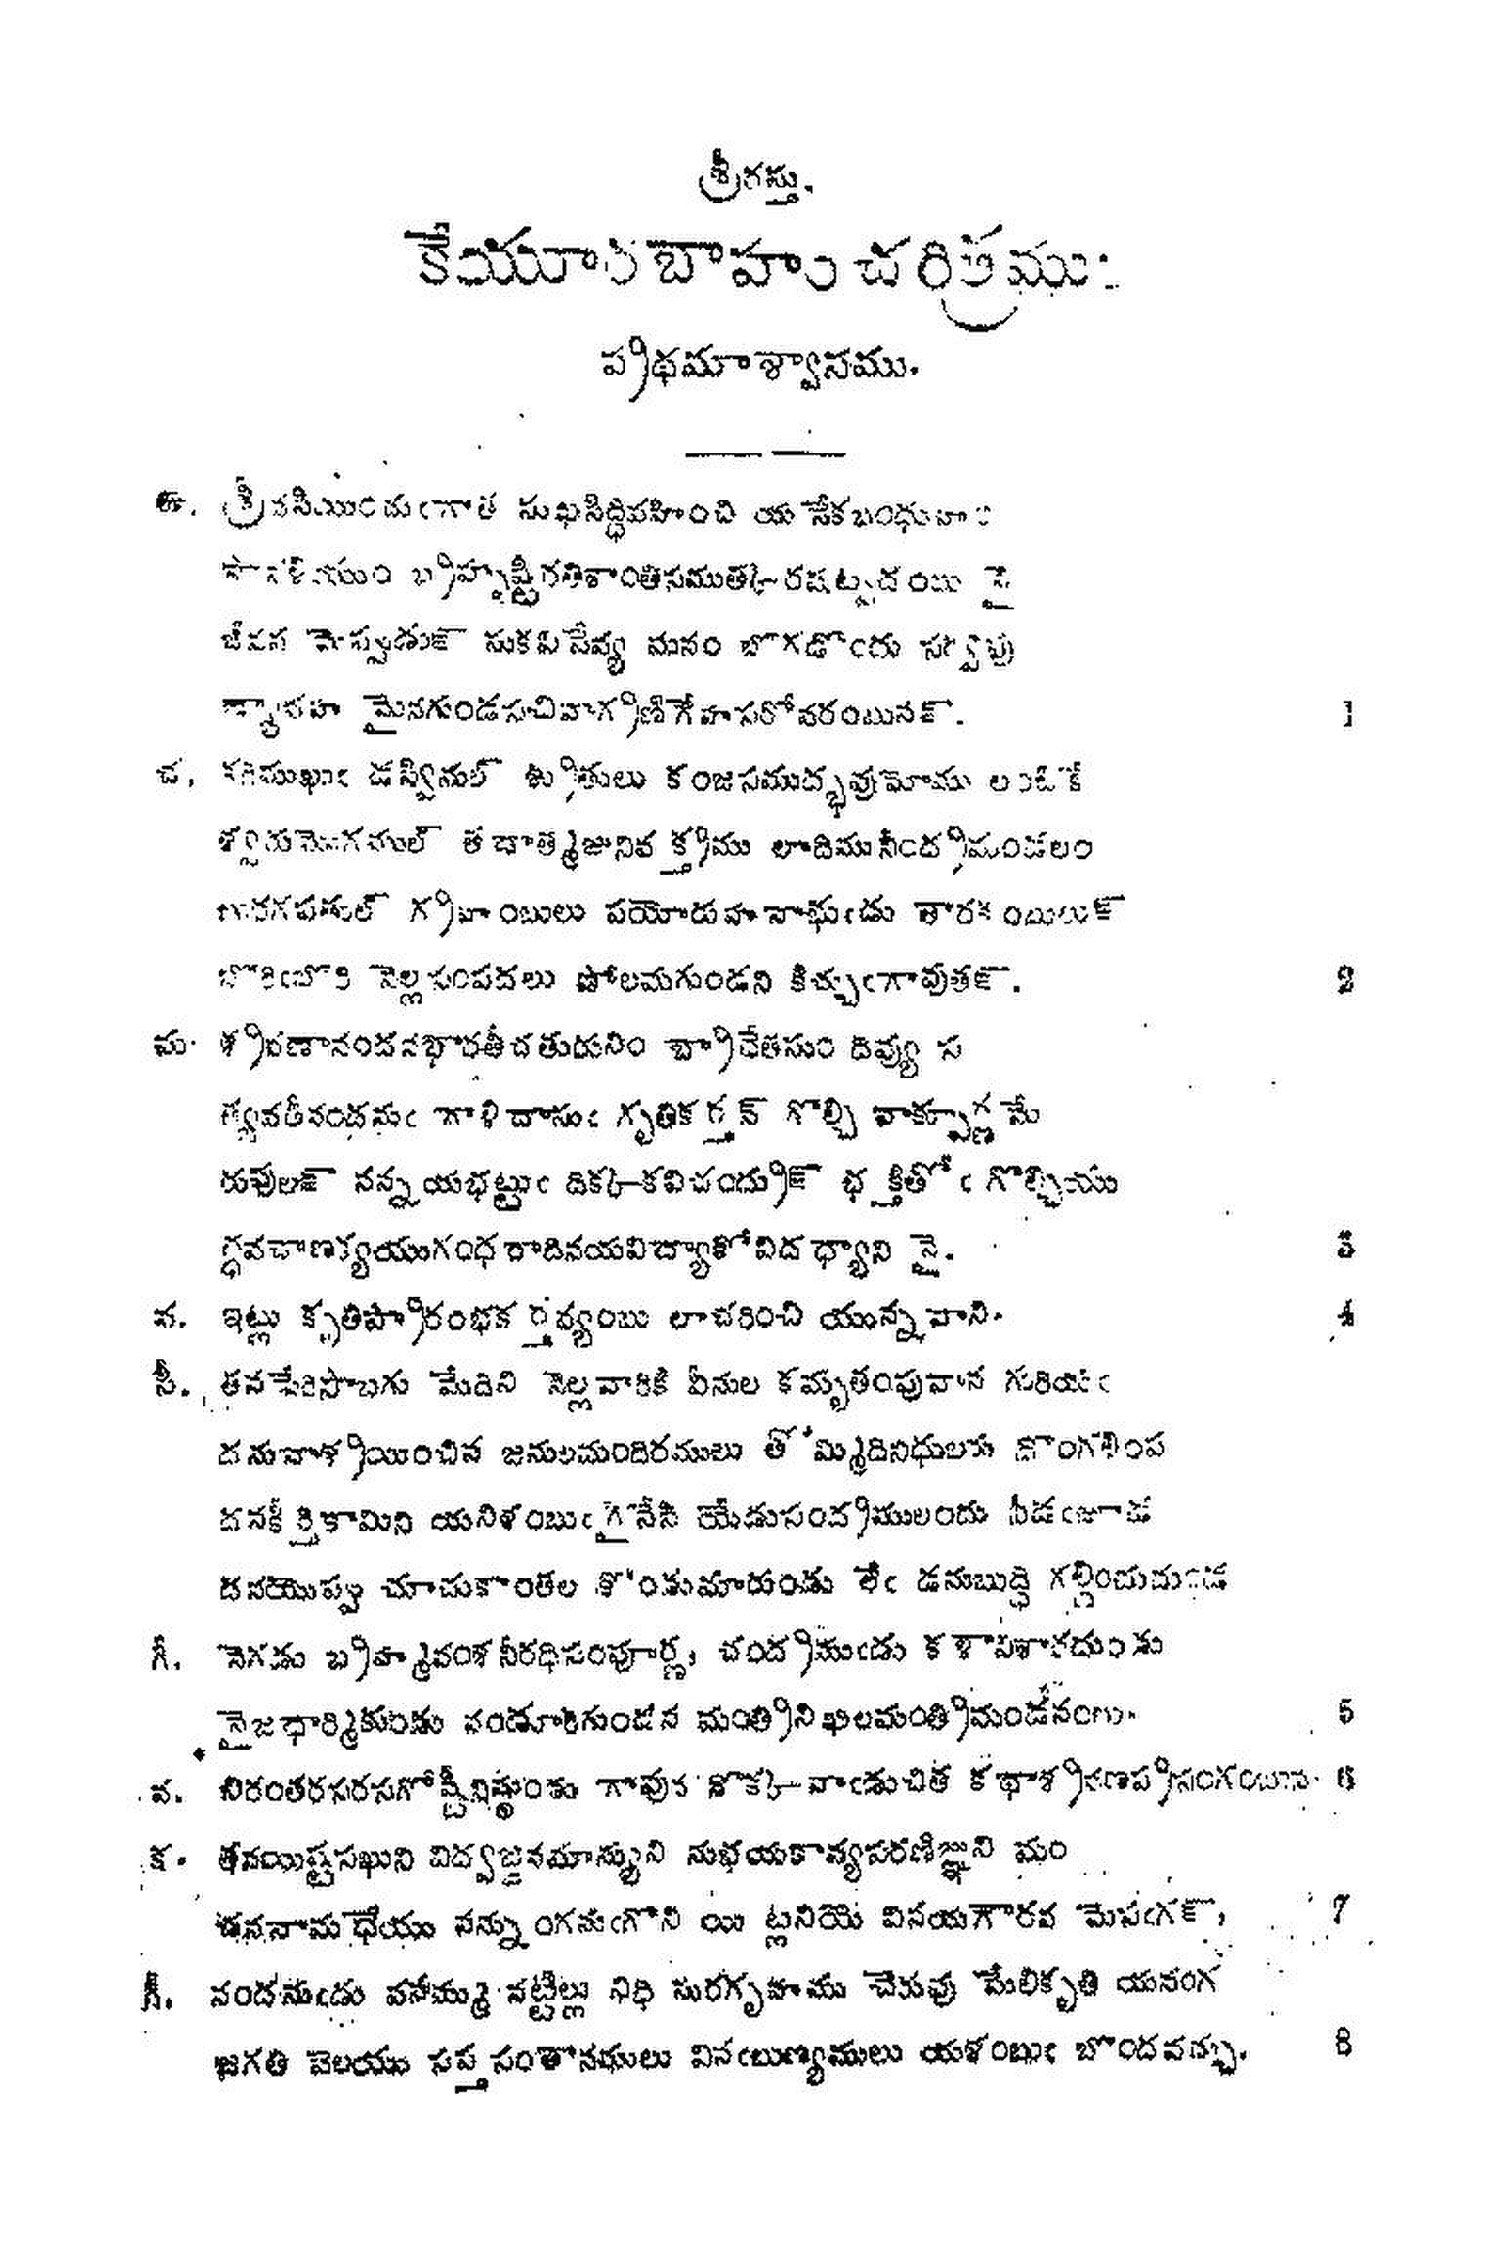కేయూరబాహుచరిత్రము
ప్రథమాశ్వాసము

ఉ. శ్రీ వసియించుఁగాత సుఖసిద్ధివహించి యనేక బంధుహం
 సావళియుం బ్రహృష్టిరతిశాంతిసముత్కరషట్పదంబుపై
 జీవన మెప్పుడున్ సుకవిసేవ్య మనం బొగడొందు సర్వపు
 ణ్యావహ మైనగుండసచివాగ్రణిగేహసరోవరంబునన్.
చ. కరిముఖుఁ డస్వినుల్ శ్రుతులు కంజసముద్భవుమోము లంబికే
 శ్వరుమొగముల్ తదాత్మజునివక్త్రము లాదిమునీంద్రమండలం
 బురగపతుల్ గ్రహంబులు పయోరుహనాథుఁడు తారకంబులున్
 బొరిఁబొరి నెల్లసంపదలు పోలమగుండని కిచ్చుఁగావుతన్.
మ. శ్రవణానందనభారతీచతురునిం బ్రాచేతసుం దివ్యు స
 త్యవతీవందనుఁ గాళిదాసుఁ గృతికర్తన్ గొల్చి వాక్పూర్ణమే
 రువులన్ నన్నయభట్టుఁ దిక్కకవిచంద్రున్ భక్తితోఁ గొల్చి యు
 ద్ధవచాణక్యయుగంధరాదినయవిద్యాకోవిదధ్యాని నై.
వ. ఇట్లు కృతిప్రారంభకర్తవ్యంబు లాచరించి యున్నవాని.
సీ. తనపేరిసొబగు మేదిని నెల్లవారికి వీనుల కమృతంపువాన గురియఁ
 దనునాశ్రయించిన జనులమందిరములు తోమ్మిదినిధులను దొంగలింప
 దనకీర్తికామిని యనిశంబుఁ గైసేసి యేడుసంద్రములందు నీడఁజూడ
 దనయొప్పు చూచుకాంతల కొండుమారుండు లేఁ డనుబుద్ధి గల్లించుచుండ
గీ. నెగడు బ్రహ్మవంశనీరధిసంపూర్ణ, చంద్రముఁడు కళావిశారదుండు
 నైజధార్మికుండు నండూరిగుండన మంత్రినిఖిలమంత్రిమండనంబు.
వ. నిరంతరసరసగోష్ఠీనిష్ఠుంకు గావున నొక్కనాఁ డుచితకథాశ్రవణప్రసంగంబున.
క. ఈనయిష్టసఖుని విద్వజ్జనమాన్యుని నుభయకావ్యసరణిజ్ఞుని మం
 చననామధేయు నన్నుం గనుఁగొని యి ట్లనియె వినయగౌరవ మెసఁగన్.
గీ. నందనుఁడు వనమ్ము నట్టిల్లు నిధి సురగృహము చెరువు మేలికృతి యనంగ
 జగతి వెలయు సప్తసంతానములు వినఁ బుణ్యములు యశంబుఁ బొందవచ్చు.